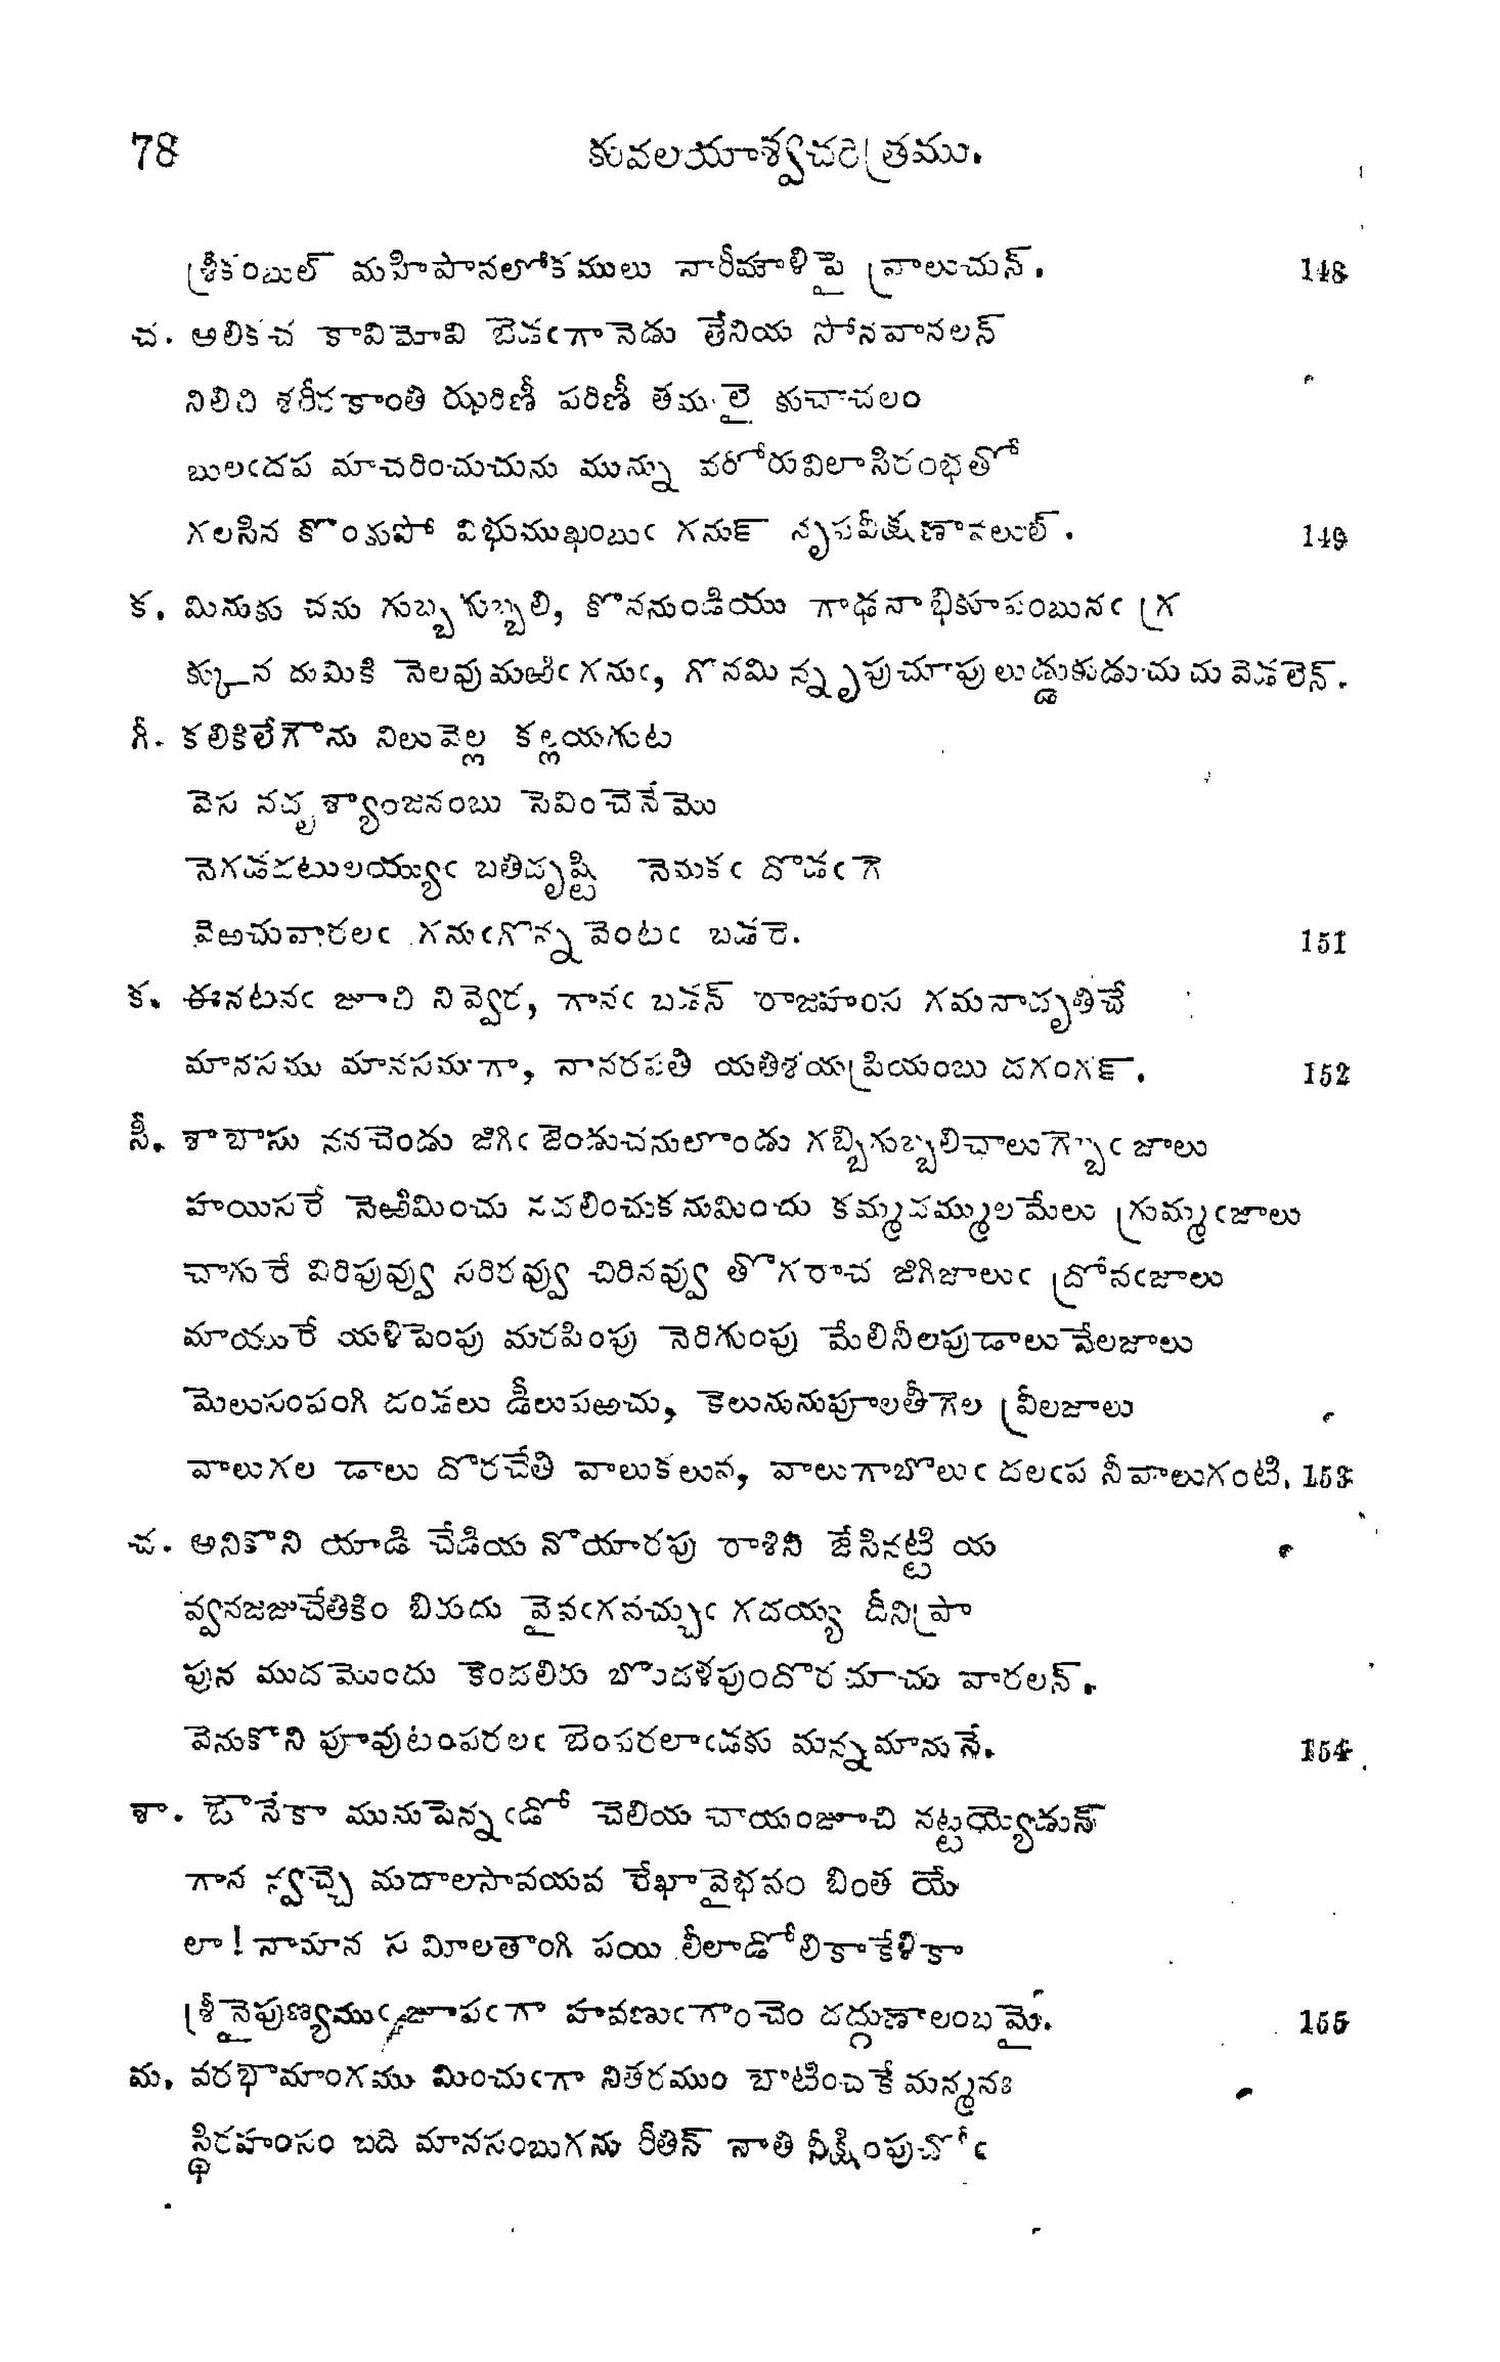శ్రీకంబుల్ మహిపావలోకములు నారీమౌళిపై వ్రాలుచున్.
చ. అలికచ కావిమోవి బెడఁగానెడు తేనియ సోనవానలన్
నిలిచి శరీరకాంతి ఝరిణీపరిణీతములై కుచాచలం
బులఁ దప మాచరించుచును మున్ను వరోరువిలాసిరంభతో
గలసిన కొంకుపో విభుముఖంబుఁ గనున్ నృపవీక్షణావలుల్.
క. మినుకు చనుగుబ్బగుబ్బలి, కొననుండియు గాఢనాభికూపంబునఁ గ్ర
క్కున దుమికి నెలవు మఱిఁ గనుఁ, గొనమి న్నృపుచూపు లుడ్డుకుడుచుచు వెడలెన్.
గీ. కలికిలేగౌను నిలువెల్ల కల్లయగుట
వెస నదృశ్యాంజనంబు సేవించెనేమొ
నెగడ దటులయ్యుఁ బతిదృష్టి నెమకఁదొడఁగె
వెఱచువారలఁ గనుఁగొన్నవెంటఁ బడరె.
క. ఈనటనఁ జూచి నివ్వెర, గానఁబడన్ రాజహంస గమనాదృతిచే
మానసము మానసముగా, నానరపతి యతిశయప్రియంబు దగంగన్.
సీ. శాబాసు ననచెండు జిగిఁ జెండుచనులొండు గబ్బిగుబ్బలిచాలు గెబ్బఁజాలు
హయిసరే నెఱిమించు నదలించుకనుమించు కమ్మదమ్ములమేలు గ్రుమ్మఁజాలు
చాగురే విరిపువ్వు సరిరవ్వు చిరినవ్వు తొగరాచ జిగిజాలుఁ ద్రోవఁజాలు
మాయురే యళిపెంపు మరపింపు నెరిగుంపు మేలినీలపుడాలు వేలజాలు
మెలుసంపంగి డండలు డీలుపఱచు, కెలునునుపూలతీగెల వ్రీలజాలు
వాలుగల డాలు దొరచేతి వాలుకలువ, వాలుగాబోలుఁ దలఁప నీవాలుగంటి.
చ. అని కొనియాడి చేడియ నొయారపురాశిని జేసినట్టి య
వ్వనజజు చేతికిం బిరుదు వైవఁగనచ్చుఁ గదయ్య దీని ప్రా
ఫున ముద మొందు కెండలిరు బొడళపుందొర చూచు వారలన్
వెనుకొని పూవుటంపరలఁ బెంపరలాఁడకు మన్నమానునే.
శా. ఔనేకా మును పెన్నఁడో చెలియ చాయంజూచి నట్టయ్యెడున్
గాన న్వచ్చె మదాలసావయవరేఖావైభవం బింత యే
లా! నామానస మీలతాంగిపయి లీలాడోలికాకేళికా
శ్రీనైపుణ్యముఁ జూపఁగా హవణుఁ గాంచెం దద్గుణాలంబమై.
మ. వరభామాంగము మించుఁగా నితరముం బాటించకే మన్మనః
స్థిరహంసం బది మానసంబు గనురీతిన్ నాతి నీక్షింపుచోఁ